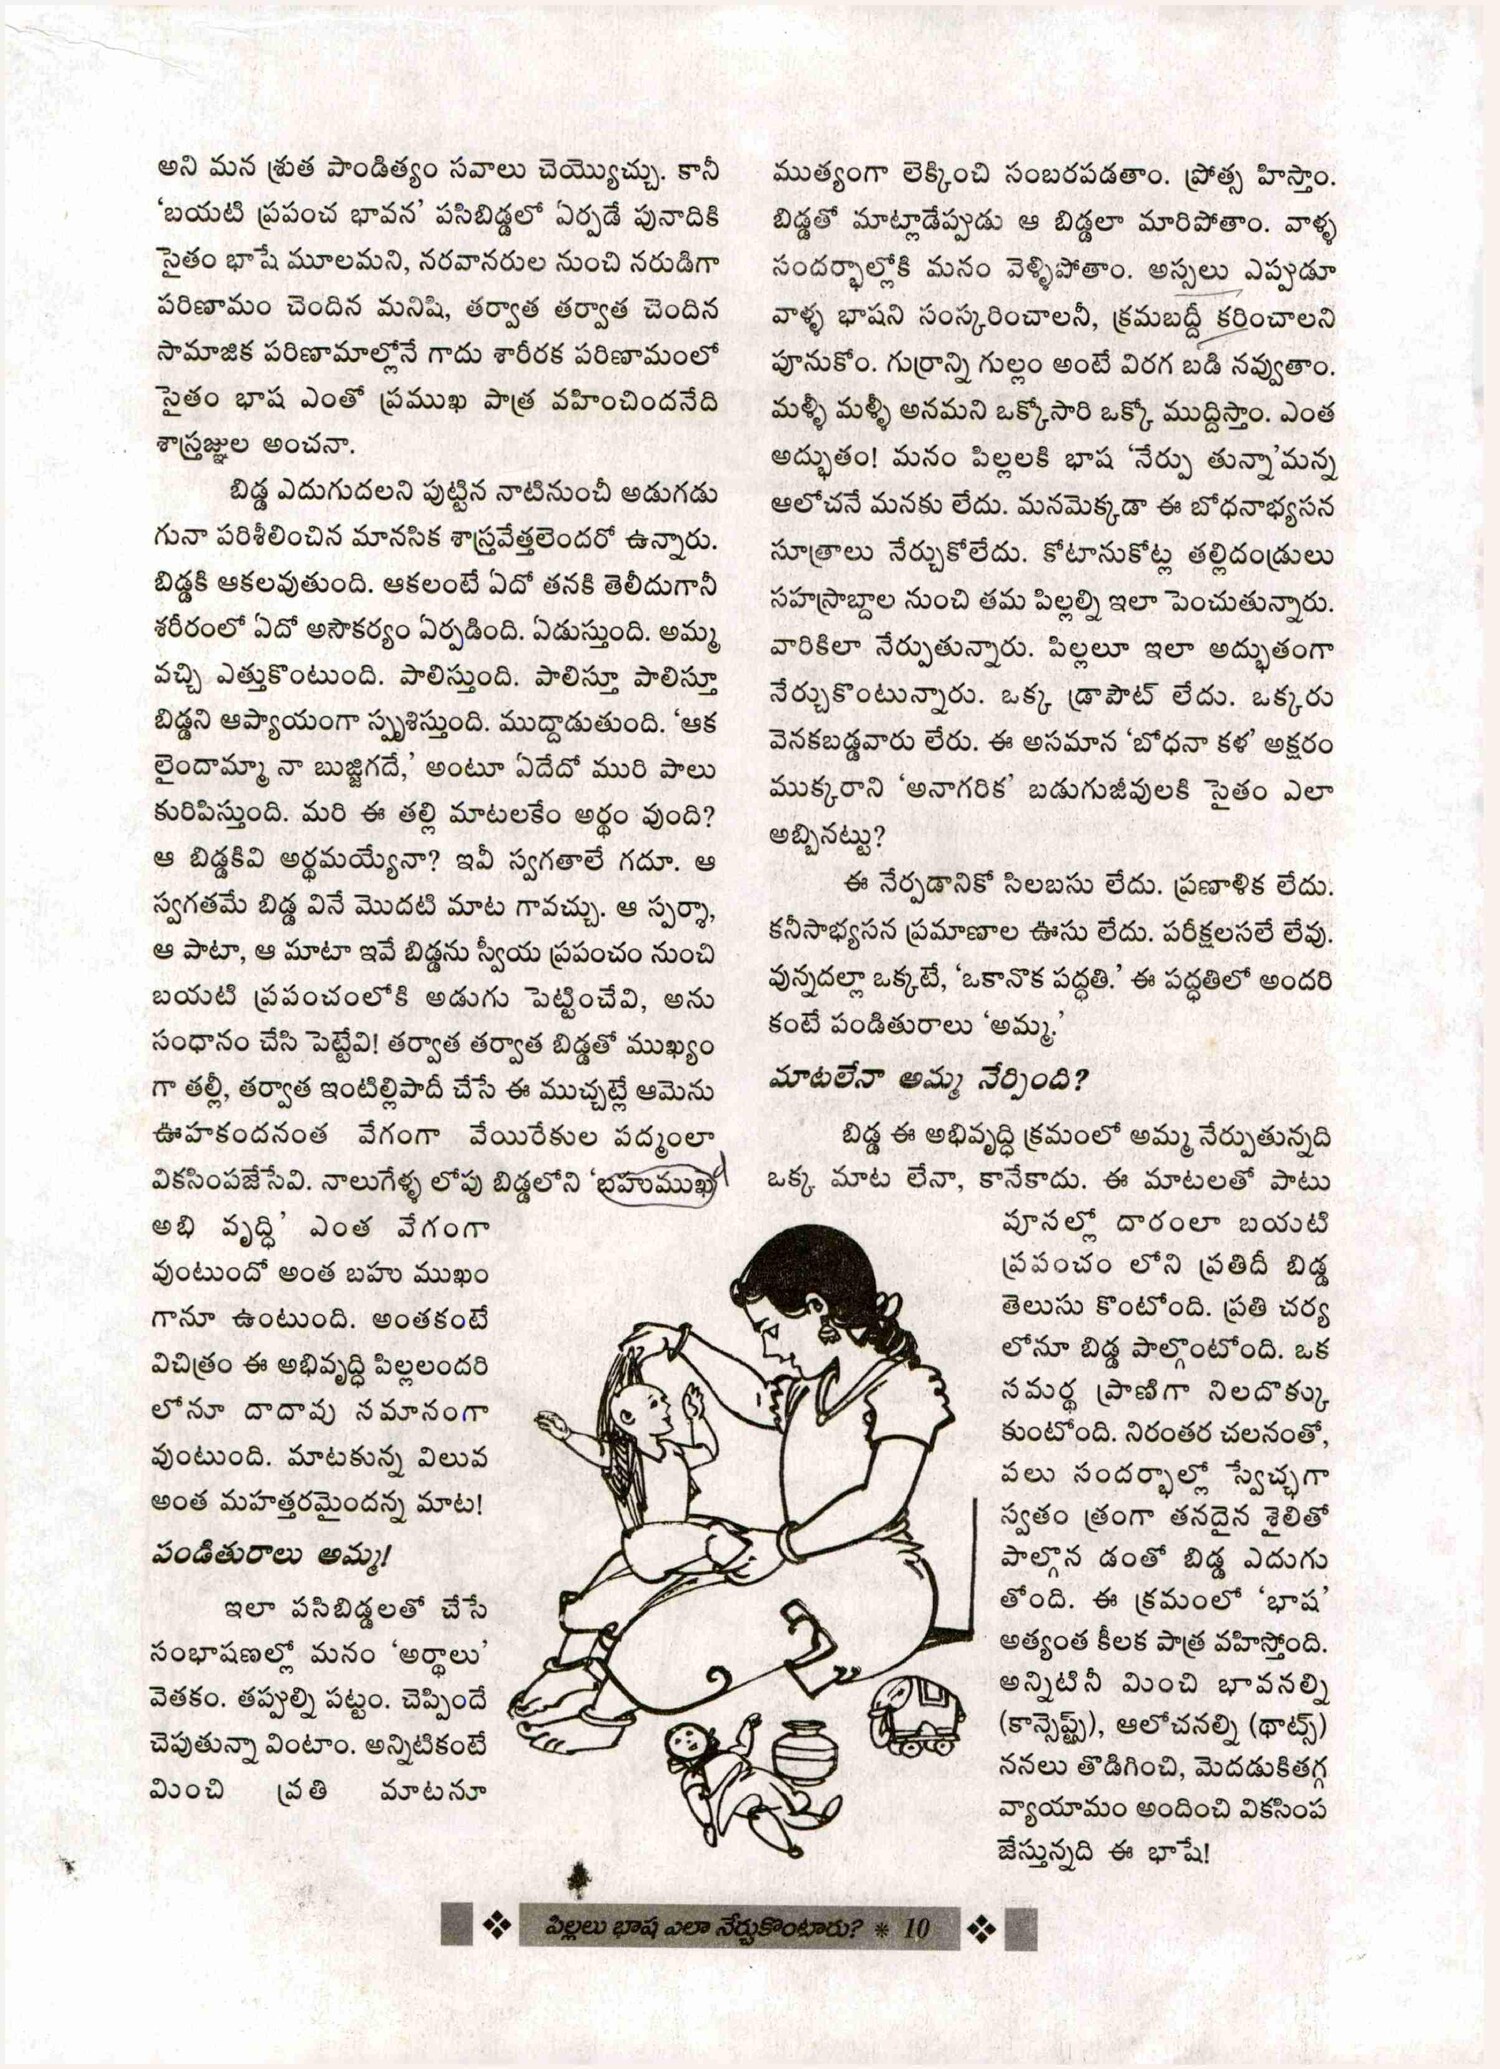అని మన శ్రుత పాండిత్యం సవాలు చెయ్యొచ్చు. కానీ 'బయటి ప్రపంచ భావన' పసిబిడ్డలో ఏర్పడే పునాదికి సైతం భాషే మూలమని, నరవానరుల నుంచి నరుడిగా పరిణామం చెందిన మనిషి, తర్వాత తర్వాత చెందిన సామాజిక పరిణామాల్లోనే గాదు శారీరక పరిణామంలో సైతం భాష ఎంతో ప్రముఖ పాత్ర వహించిందనేది శాస్త్రజ్ఞుల అంచనా.

బిడ్డ ఎదుగుదలని పుట్టిన నాటినుంచీ అడుగడుగునా పరిశీలించిన మానసిక శాస్త్రవేత్తలెందరో ఉన్నారు. బిడ్డకి ఆకలవుతుంది. ఆకలంటే ఏదో తనకి తెలీదుగానీ శరీరంలో ఏదో అసౌకర్యం ఏర్పడింది. ఏడుస్తుంది. అమ్మవచ్చి ఎత్తుకొంటుంది. పాలిస్తుంది. పాలిస్తూ పాలిస్తూ బిడ్డని ఆప్యాయంగా స్పృశిస్తుంది. ముద్దాడుతుంది. 'ఆకలైందామ్మా నా బుజ్జిగదే,' అంటూ ఏదేదో మురి పాలు కురిపిస్తుంది. మరి ఈ తల్లి మాటలకేం అర్థం వుంది? ఆ బిడ్డకివి అర్థమయ్యేనా? ఇవీ స్వగతాలే గదూ. ఆ స్వగతమే బిడ్డ వినే మొదటి మాట గావచ్చు. ఆ స్పర్శా, ఆ పాటా, ఆ మాటా ఇవే బిడ్డను స్వీయ ప్రపంచం నుంచి బయటి ప్రపంచంలోకి అడుగు పెట్టించేవి, అనుసంధానం చేసి పెట్టేవి! తర్వాత తర్వాత బిడ్డతో ముఖ్యంగా తల్లీ, తర్వాత ఇంటిల్లిపాదీ చేసే ఈ ముచ్చట్లే ఆమెను ఊహకందనంత వేగంగా వేయిరేకుల పద్మంలా వికసింపజేసేవి. నాలుగేళ్ళ లోపు బిడ్డలోని 'బహుముఖ అభి వృద్ధి' ఎంత వేగంగా వుంటుందో అంత బహు ముఖంగానూ ఉంటుంది. అంతకంటే విచిత్రం ఈ అభివృద్ధి పిల్లలందరిలోనూ దాదాపు సమానంగా
వుంటుంది. మాటకున్న విలువ అంత మహత్తరమైందన్న మాట!

పండితురాలు అమ్మ!

ఇలా పసిబిడ్డలతో చేసే సంభాషణల్లో మనం 'అర్థాలు' వెతకం. తప్పుల్ని పట్టం. చెప్పిందే చెపుతున్నా వింటాం. అన్నిటికంటే మించి ప్రతి మాటనూ ముత్యంగా లెక్కించి సంబరపడతాం. ప్రోత్స హిస్తాం. బిడ్డతో మాట్లాడేప్పుడు ఆ బిడ్డలా మారిపోతాం. వాళ్ళ సందర్భాల్లోకి మనం వెళ్ళిపోతాం. అస్సలు ఎప్పుడూ వాళ్ళ భాషని సంస్కరించాలనీ, క్రమబద్ధీ కరించాలని పూనుకోం. గుర్రాన్ని గుల్లం అంటే విరగ బడి నవ్వుతాం. మళ్ళీ మళ్ళీ అనమని ఒక్కోసారి ఒక్కో ముద్దిస్తాం. ఎంత అద్భుతం! మనం పిల్లలకి భాష 'నేర్పు తున్నా'మన్న ఆలోచనే మనకు లేదు. మనమెక్కడా ఈ బోధనాభ్యసన సూత్రాలు నేర్చుకోలేదు. కోటానుకోట్ల తల్లిదండ్రులు సహస్రాబ్దాల నుంచి తమ పిల్లల్ని ఇలా పెంచుతున్నారు. వారికిలా నేర్పుతున్నారు. పిల్లలూ ఇలా అద్భుతంగా నేర్చుకొంటున్నారు. ఒక్క డ్రాపౌట్ లేదు. ఒక్కరు
వెనకబడ్డవారు లేరు. ఈ అసమాన 'బోధనా కళ' అక్షరం ముక్కరాని 'అనాగరిక' బడుగుజీవులకి సైతం ఎలా అబ్బినట్టు?

ఈ నేర్పడానికో సిలబసు లేదు. ప్రణాళిక లేదు. కనీసాభ్యసన ప్రమాణాల ఊసు లేదు. పరీక్షలసలే లేవు. వున్నదల్లా ఒక్కటే, ‘ఒకానొక పద్ధతి.' ఈ పద్ధతిలో అందరికంటే పండితురాలు ‘అమ్మ.'

మాటలేనా అమ్మ నేర్పింది?

బిడ్డ ఈ అభివృద్ధి క్రమంలో అమ్మ నేర్పుతున్నది ఒక్క మాట లేనా, కానేకాదు. ఈ మాటలతో పాటు పూసల్లో దారంలా బయటి ప్రపంచం లోని ప్రతిదీ బిడ్డ తెలుసు కొంటోంది. ప్రతి చర్యలోనూ బిడ్డ పాల్గొంటోంది. ఒక సమర్థ ప్రాణిగా నిలదొక్కు కుంటోంది. నిరంతర చలనంతో, పలు సందర్భాల్లో స్వేచ్ఛగా స్వతం త్రంగా తనదైన శైలితో పాల్గొన డంతో బిడ్డ ఎదుగుతోంది. ఈ క్రమంలో 'భాష' అత్యంత కీలక పాత్ర వహిస్తోంది. అన్నిటినీ మించి భావనల్ని (కాన్సెప్ట్), ఆలోచనల్ని (థాట్స్) ననలు తొడిగించి, మెదడుకితగ్గ వ్యాయామం అందించి వికసింప జేస్తున్నది ఈ భాషే!